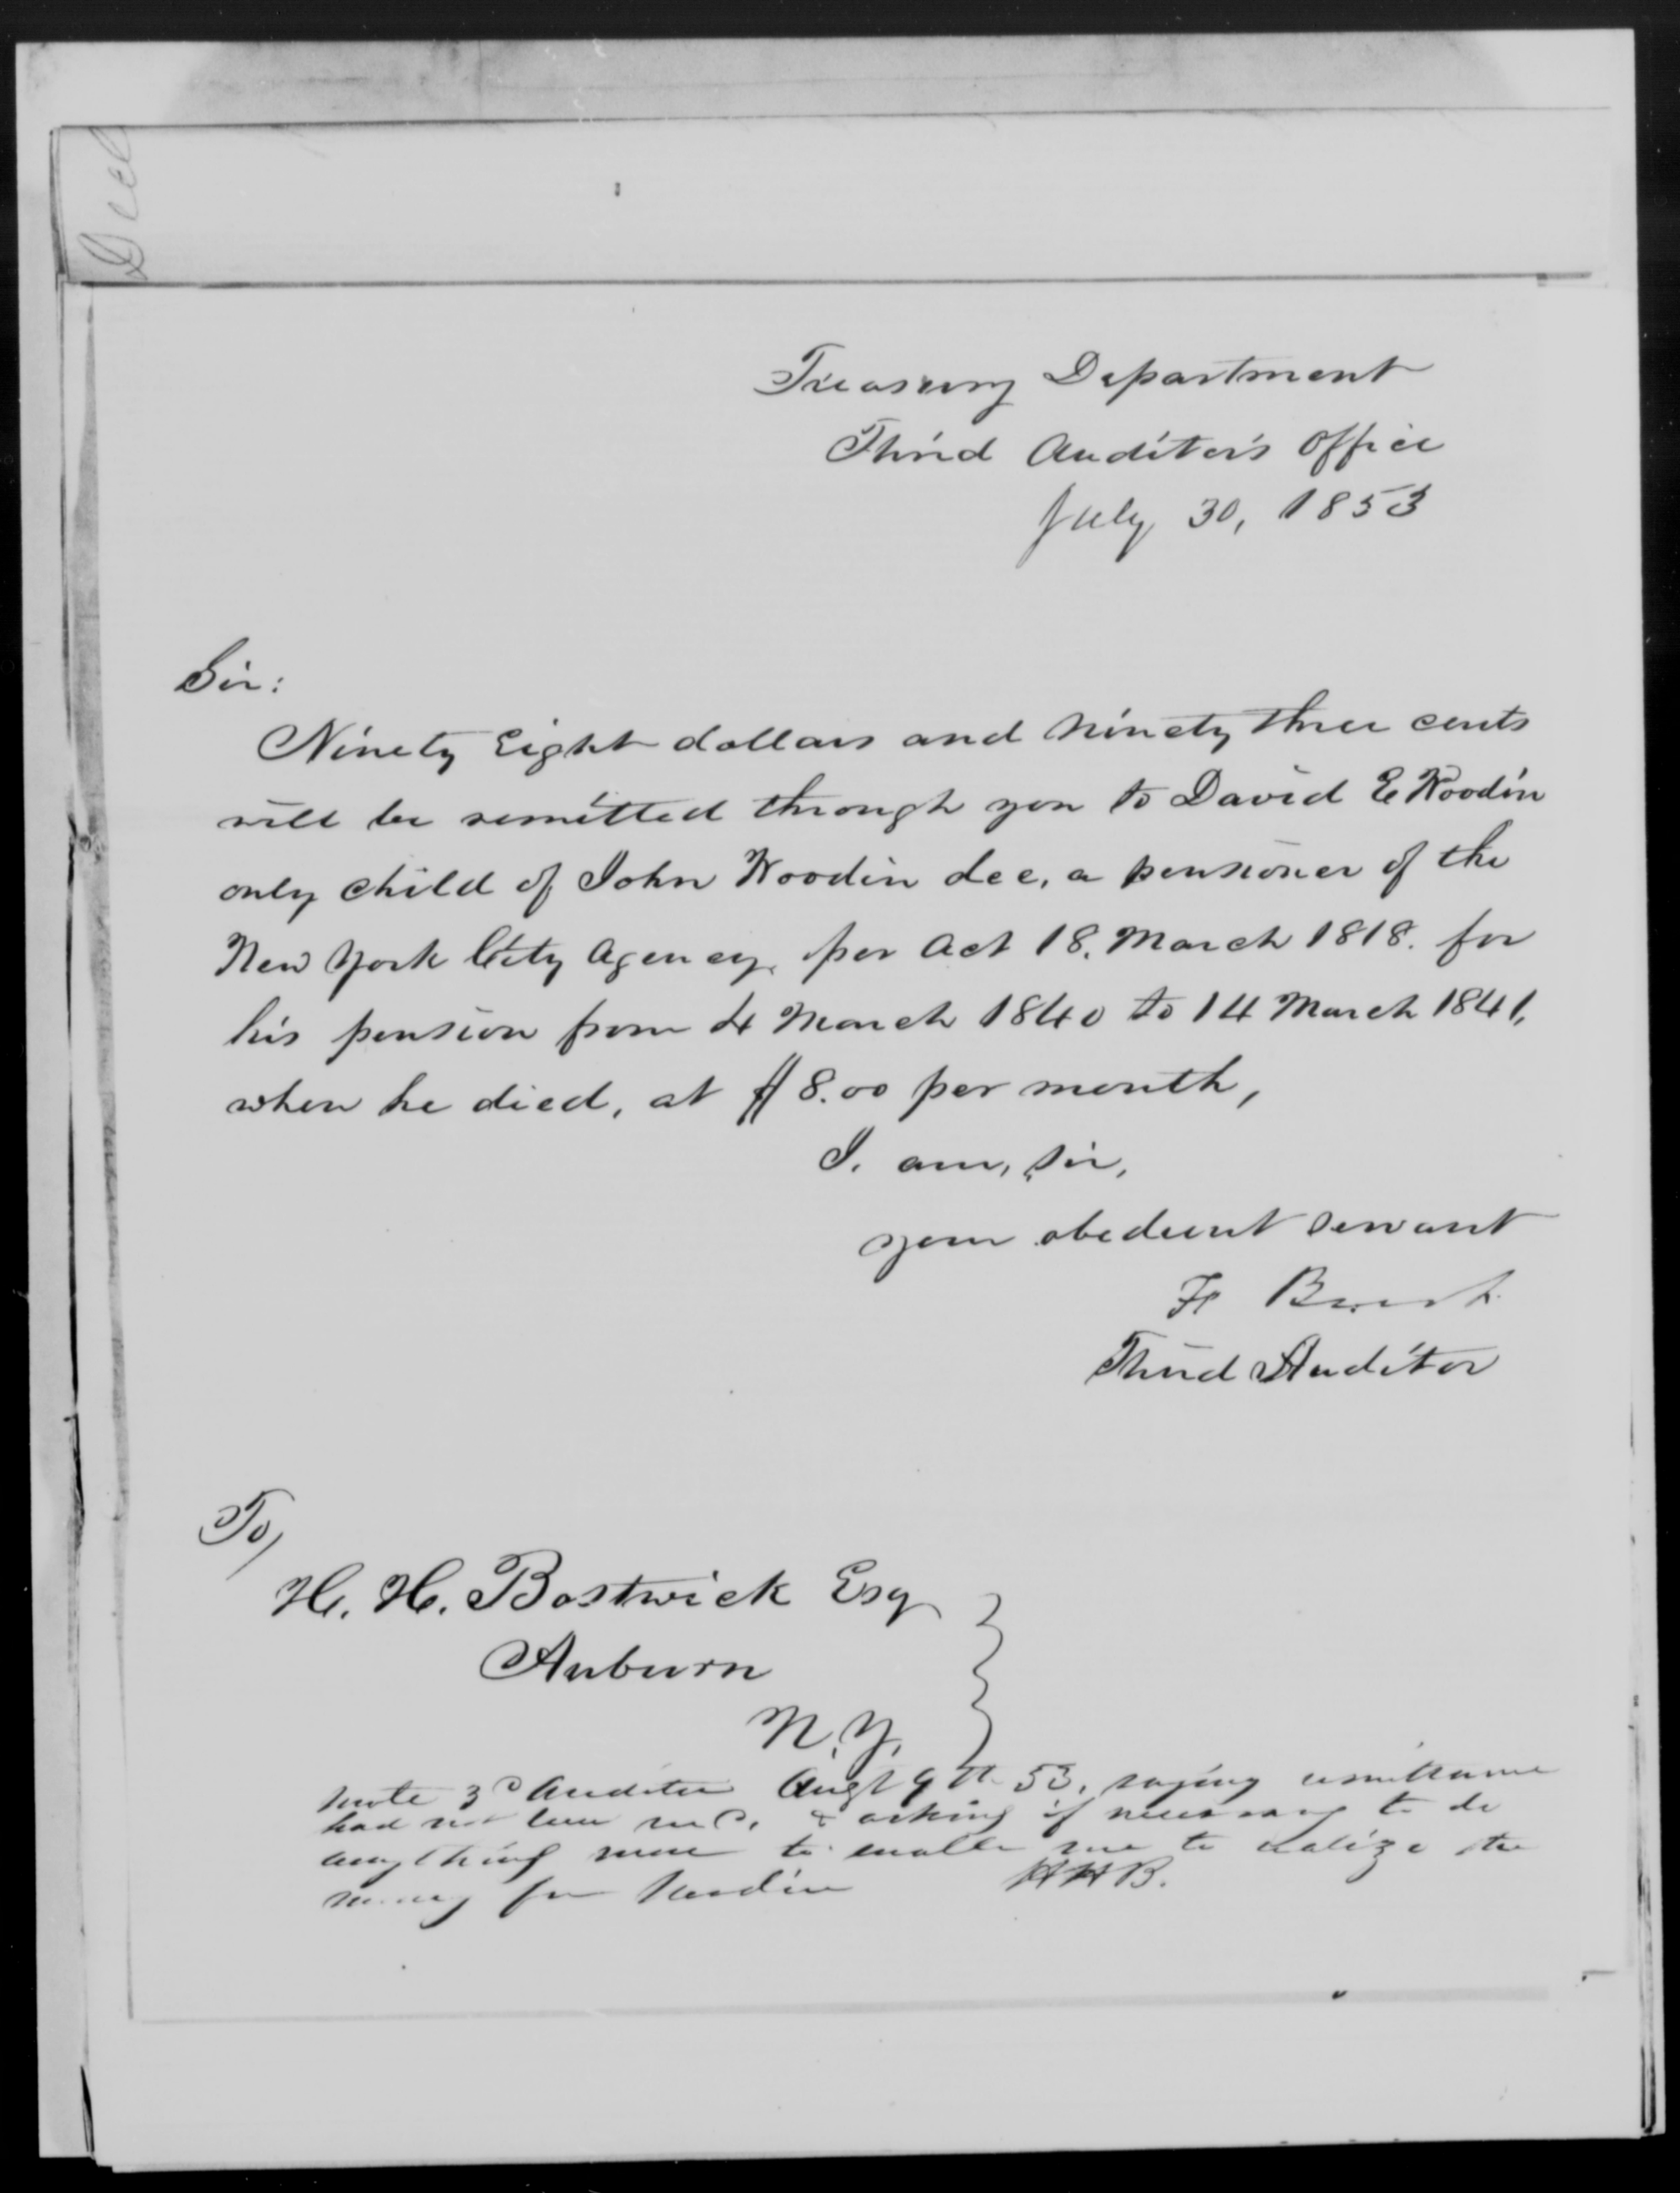Treasury Department 
Third Auditor's Office 
July 30, 1853 
Sir:
Ninety Eight dollars and ninety three cents will be remitted through you to David E Woodin only child of John Woodin dec. a pensioner of the New York City Agency, per Act 18 March 1818 for his pension from 4 March 1840 to 14 March 1841. when he died, at $8.00 per month, 
I am, sir 
your obedient servant
To H. H. Bostwick Esq 
Auburn 
N. Y. 
Note 3d Auditor Augt 9th 53, saying remittance had not been enc. & asking if necessary to do anything more to enable me to realize the money for Woodin   H.H.B.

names: John Woodin, David E Woodin, F Burt, H H Bostwick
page: 9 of 77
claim: widow's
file: W. 19658, John Woodin, New York